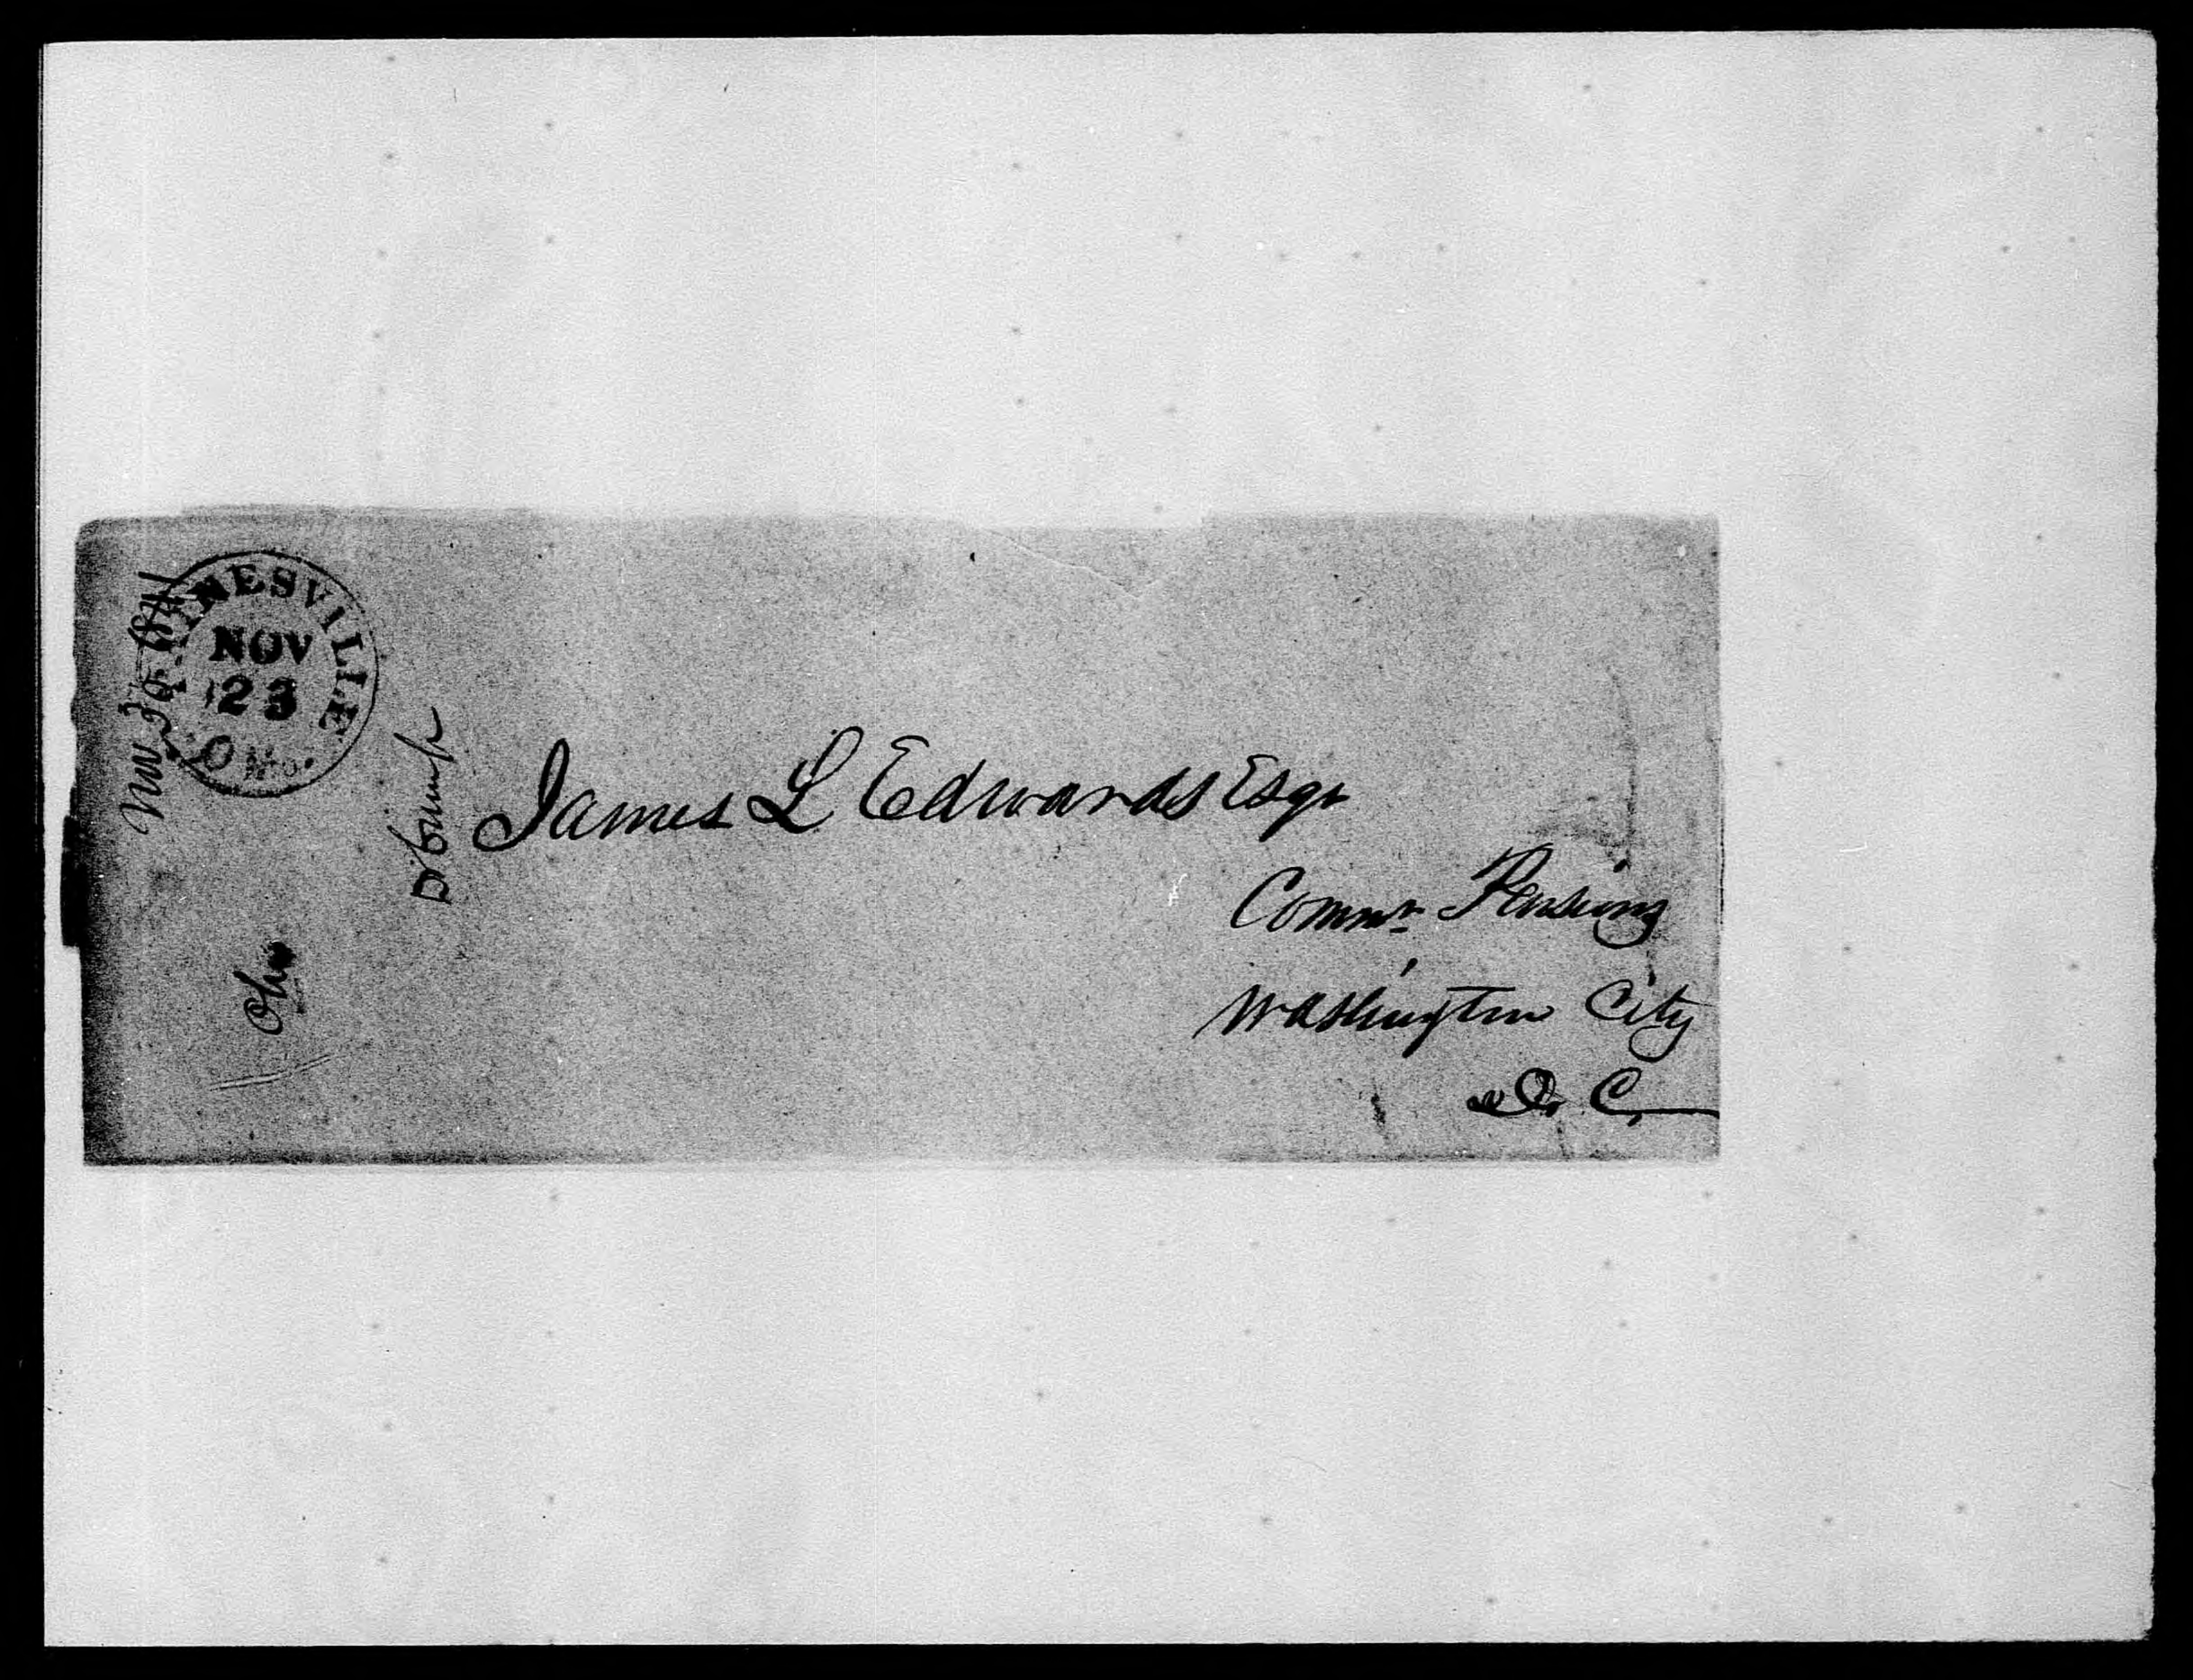PAINESVILLE OH
NOV 23
Nov. 30 18[unclear]
James L Edwards Esq
Comms. Pensions
Washington City
D.C.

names: James L Edwards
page: 30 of 44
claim: survivor's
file: S. 23639, Jonathan Fowler, New York